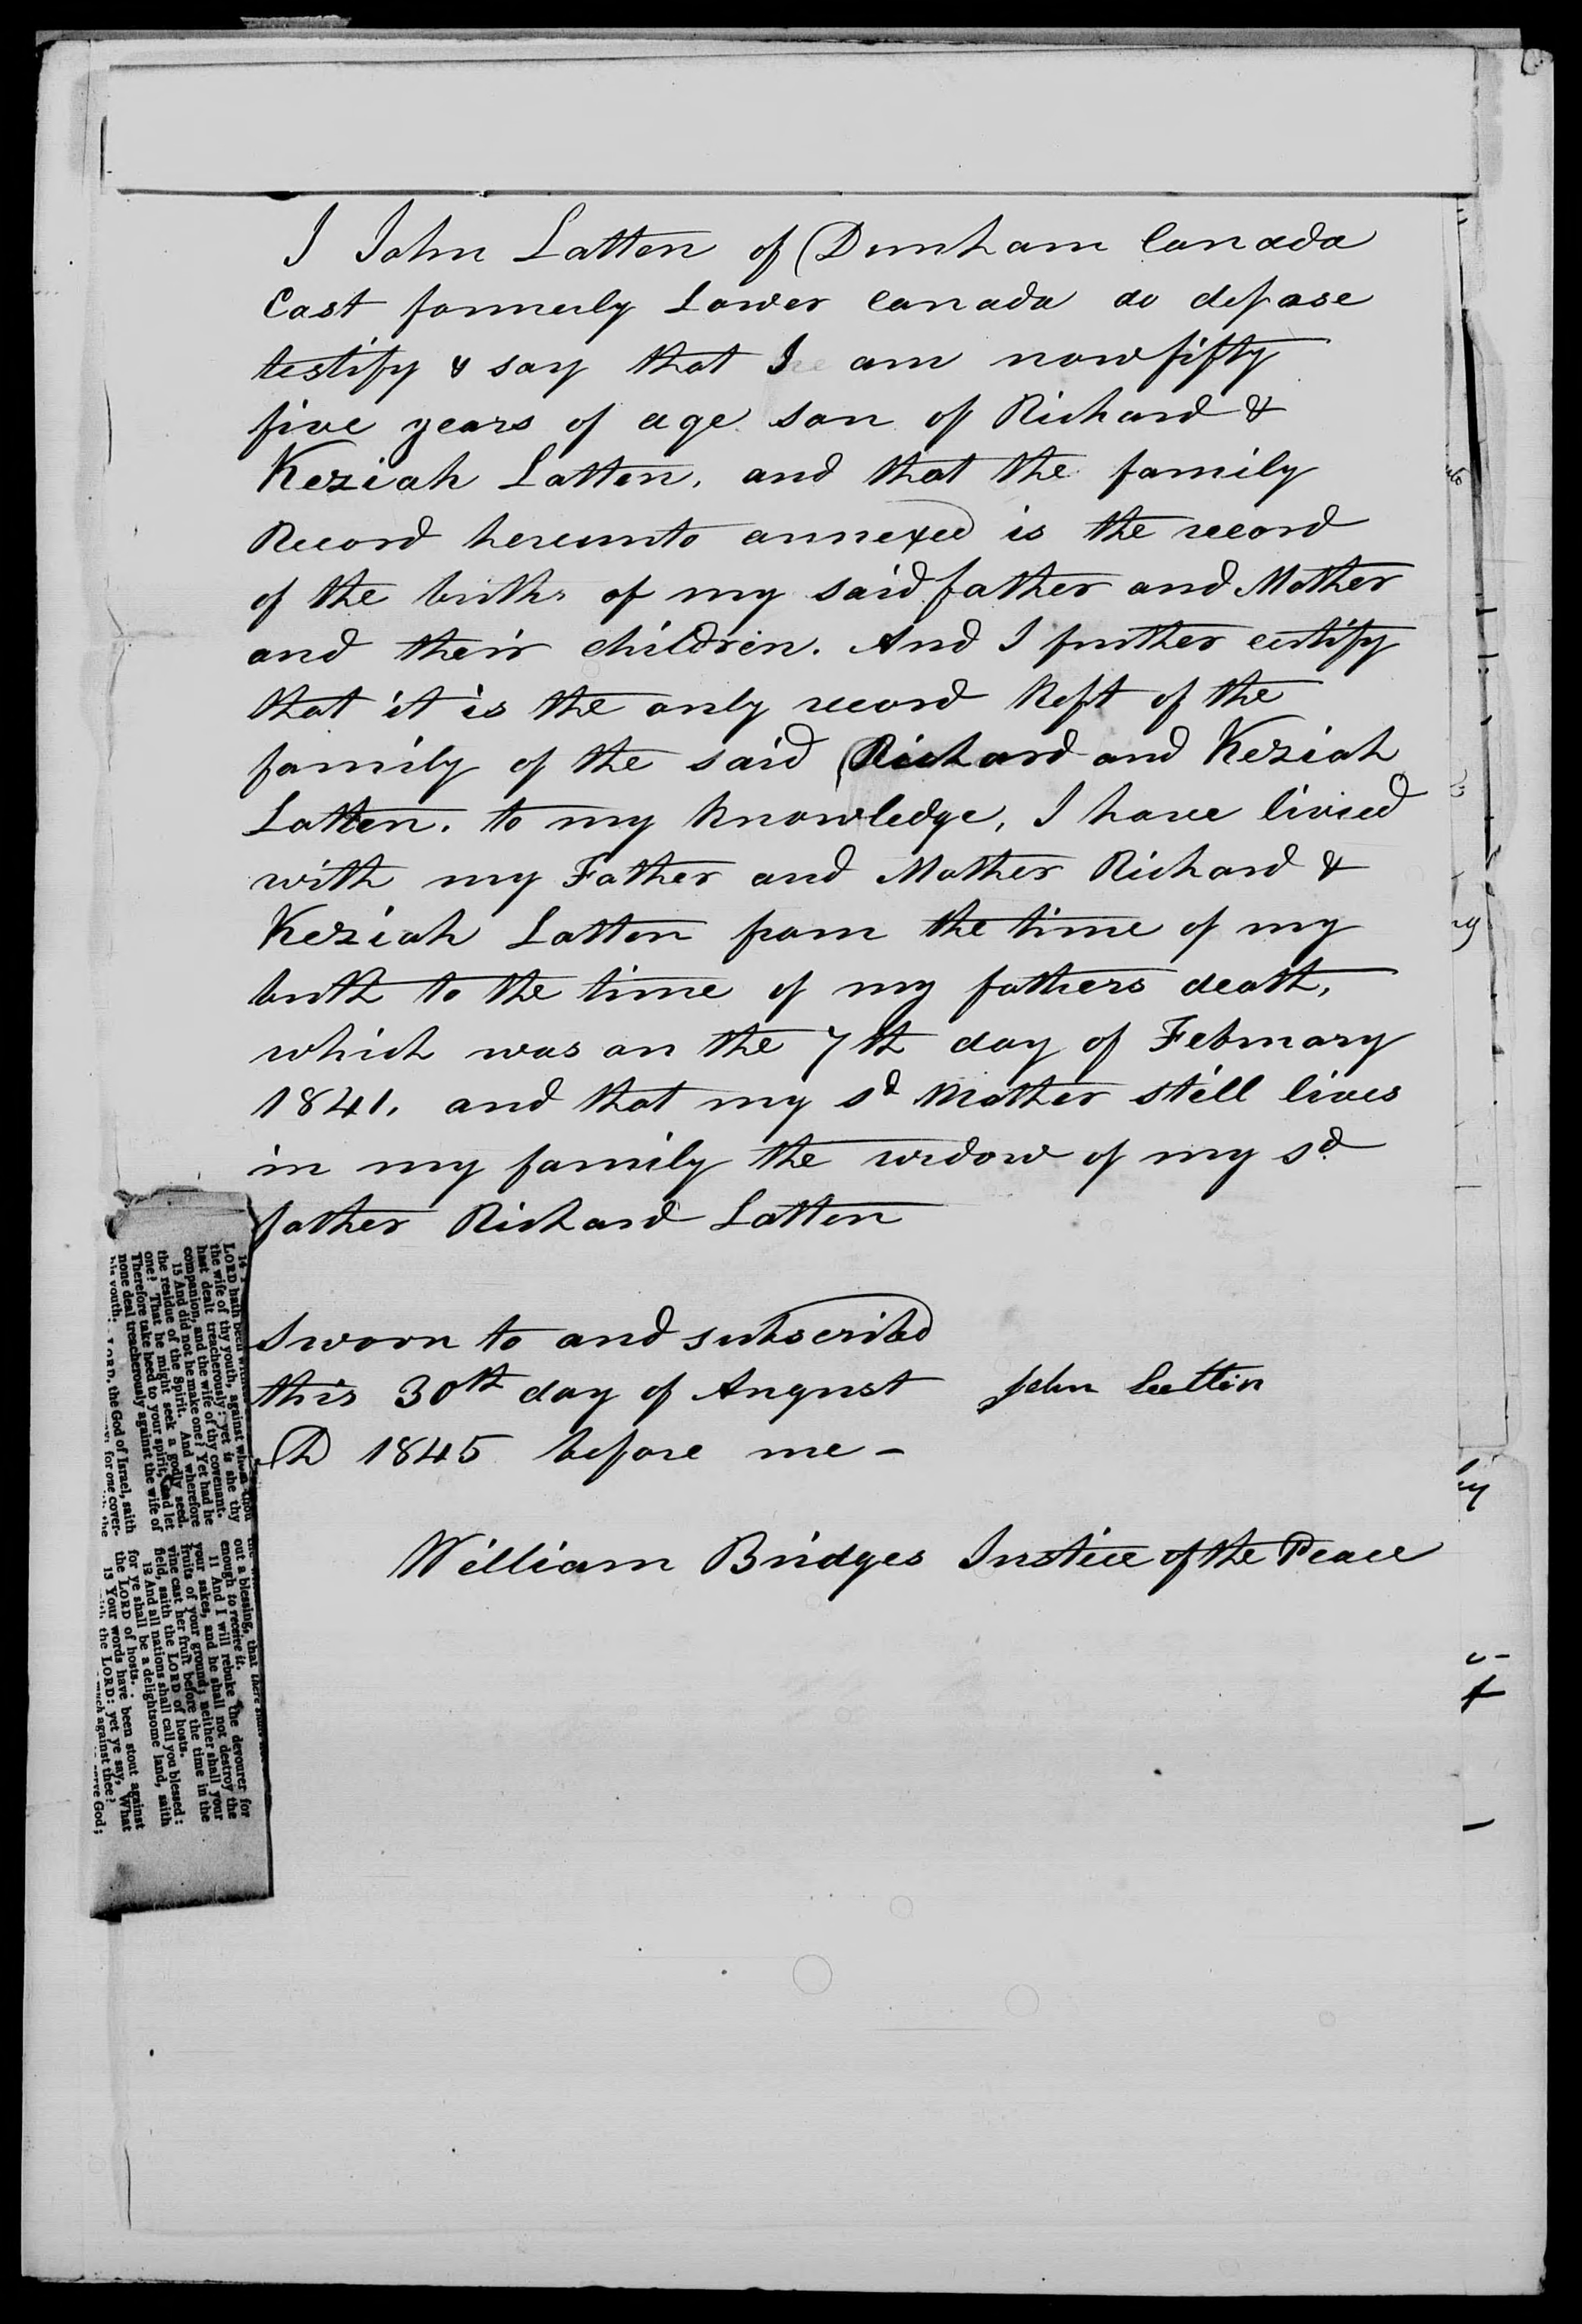I John Lattin of Durham Canada
East formerly Lower Canada do depose
testify & say that I am now fifty
five years of age, son of Richard &
Keziah Lattin, and that the family
Record hereunto annexed is the record
of the birth of my said father and Mother
and their children. And I further certify
that it is the only record kept of the
family of the said Richard and Keziah
Lattin, to my knowledge. I have lived
with my Father and Mother Richard &
Keziah Lattin from the time of my
birth to the time of my father’s death,
which was on the 7th day of February
1841, and that my s’d mother still lives
in my family the widow of my s’d
father Richard Lattin.
John Lattin
Sworn to and subscribed this 30th day of August
A.D. 1845 before me -
William Bridges Justice of the Peace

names: John Latten; William Bridges; Keziah Latten; Richard Latten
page: 22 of 99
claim: widow's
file: W. 24,482, for Richard Lattin, Vermont